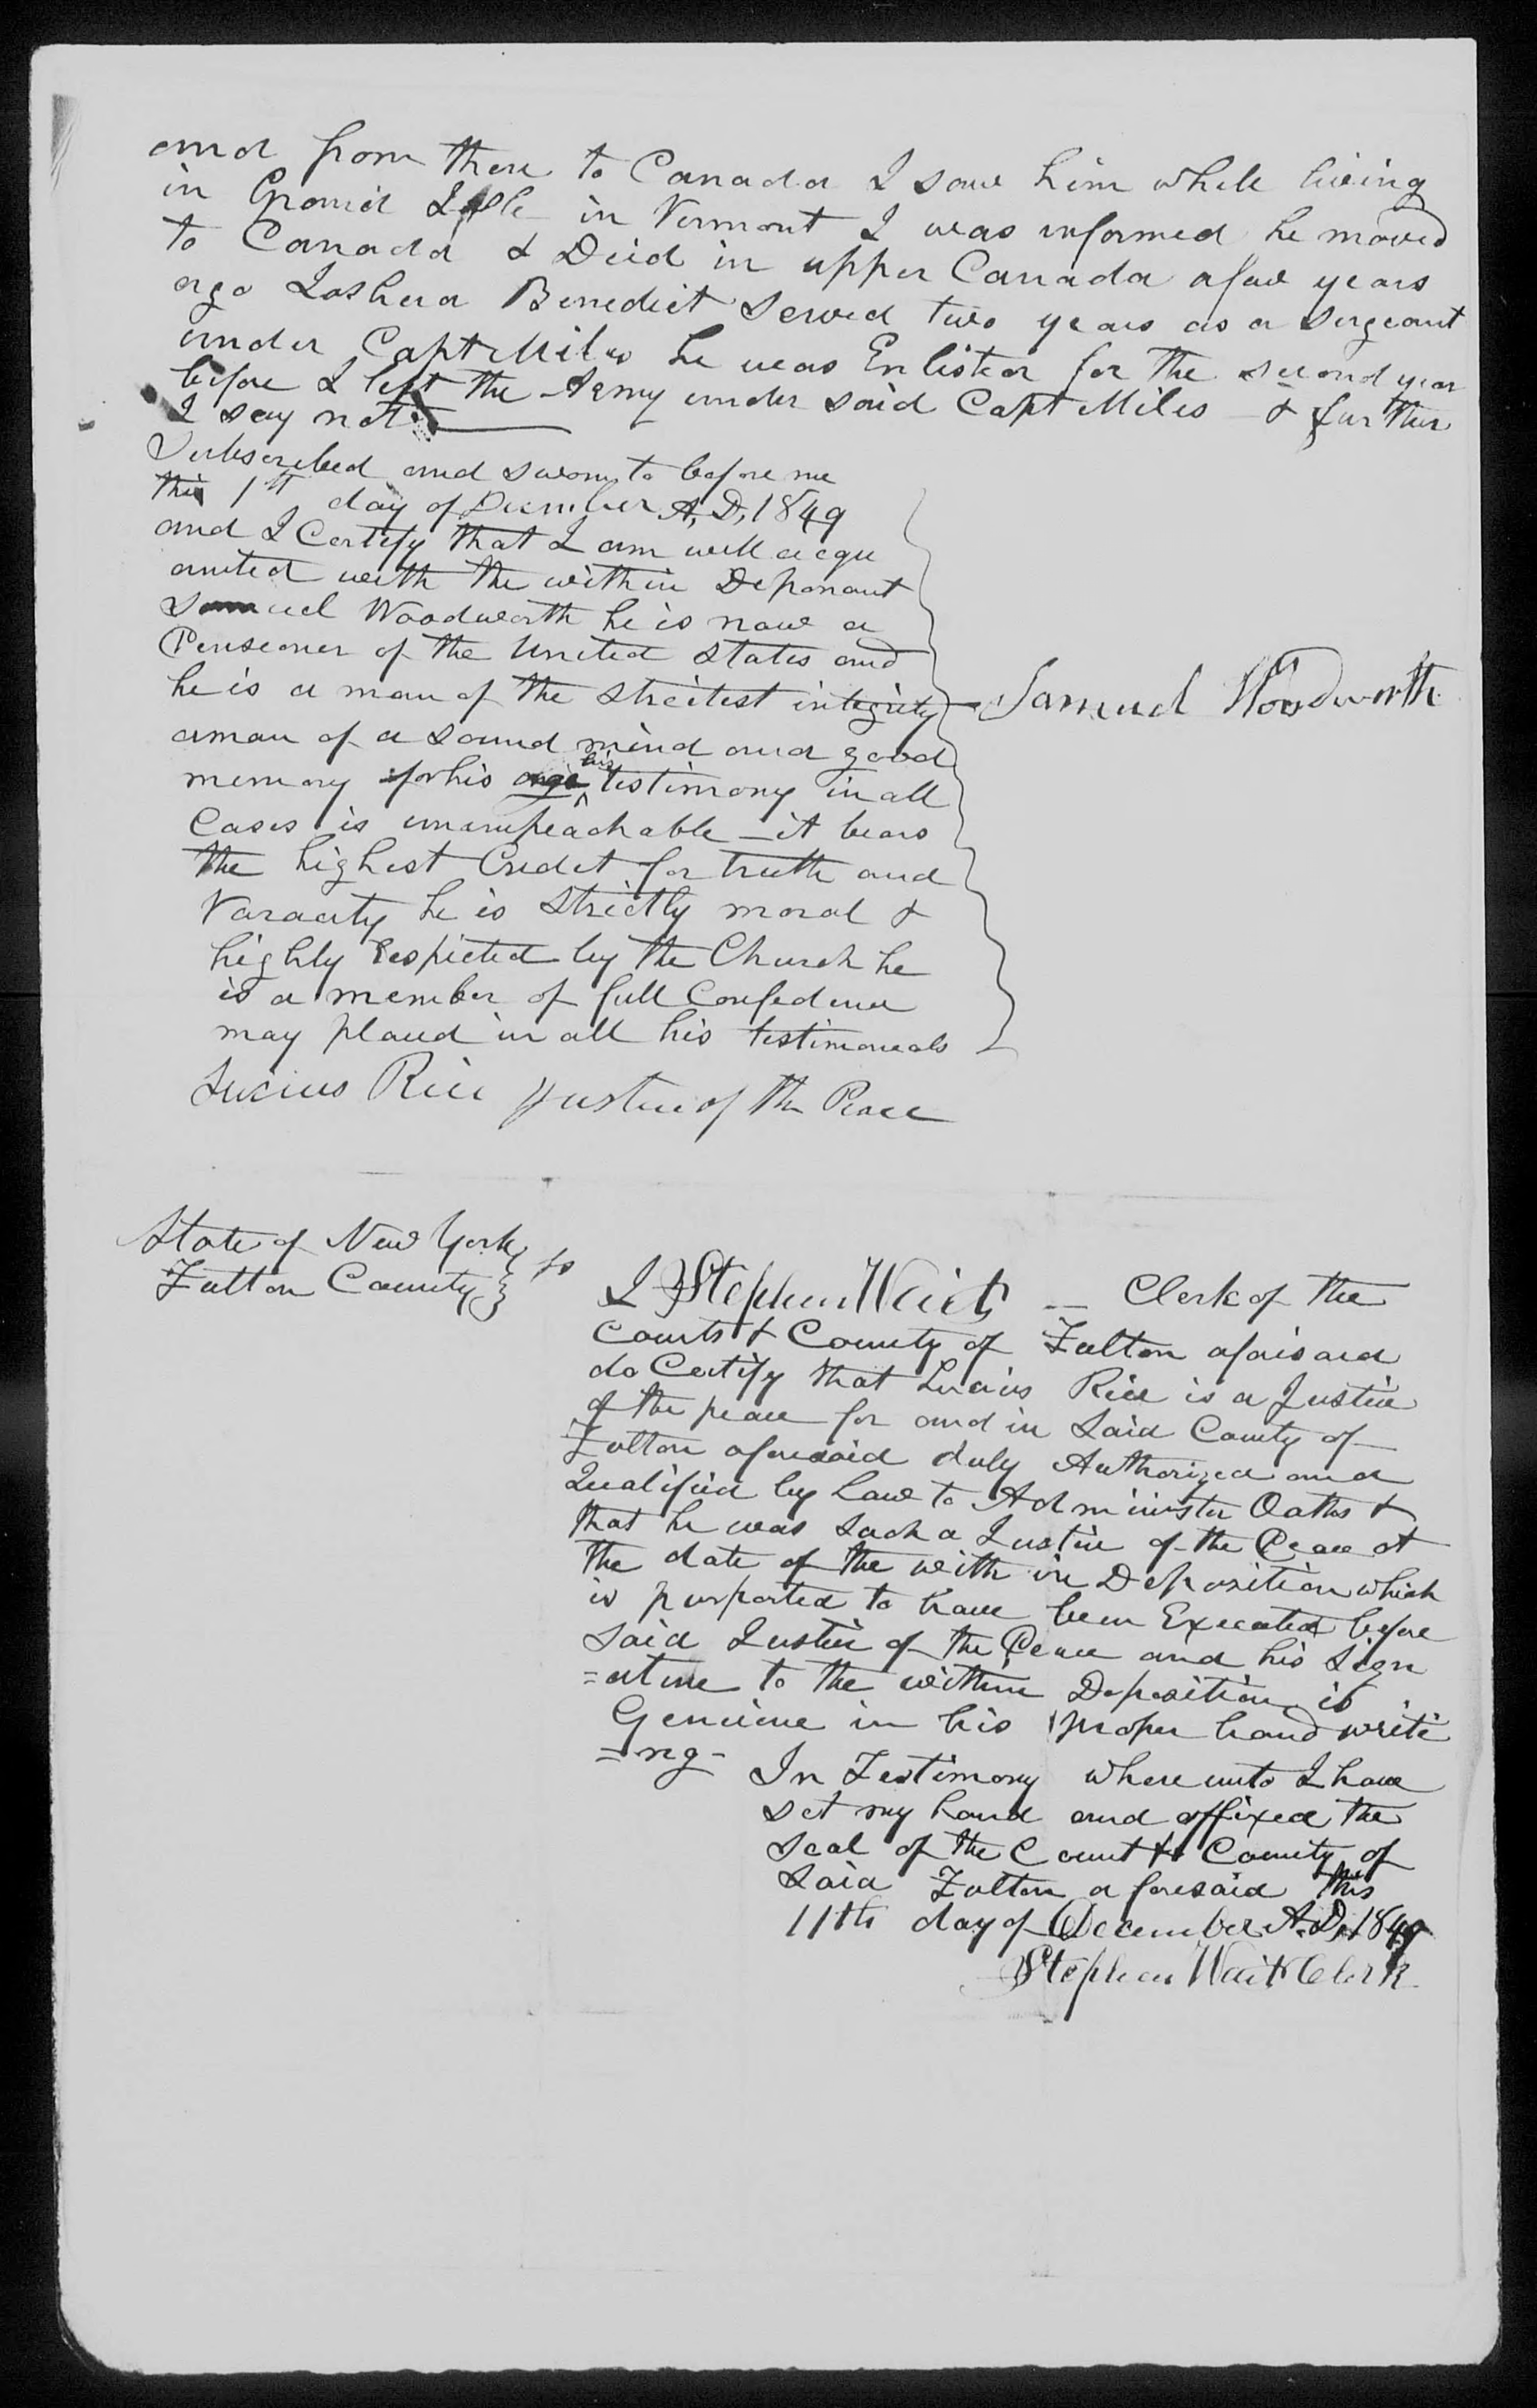and from there to Canada I saw him while living in Grand Isle in Vermont I was informed he moved to Canada & Died in upper Canada a few years ago Joshua Benedict served two years as a sergeant under Capt Miles he was Elisted for the second year before I left the Army under said Capt Miles & further I say not. -
Samuel Woodworth

Subscribed and sworn to before me this 1st day of December A.D. 1849 and I Certify that I am well acquainted with the within Deponant [deponent] Samuel Woodworth he is now a Pensioner of the United States and he is a man of the strictest integrity a man of a sound mind and good memory for his age his testimony in all Cases is unimpeachable - it bears the highest Credit for truth and Veracity he is strictly moral & highly respected by the Church he is a member of full Confidence may placed in all his testimonials
Lucius Rice Justice of the Peace

State of New York
Fulton County } Ss
I Stephen Wait - Clerk of the Courts & County of Fulton aforesaid do Certify that Lucius Rice is a Justice of the peace for and  in Said County of Fulton aforesaid duly Authorized and Qualified by law to Administer Oaths & that he was such a Justice of the Peace at the date of the within Deposition which is purported to have been Executed before said Justice of the Peace and his Signature to the within Deposition is Genuine in his proper hand writing.
In Testimony whereunto I have set my hand and affixed the seal of the Court & County of said Fulton aforesaid this 11th day of December A.D. 1849
Stephen Wait Clerk.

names: Samuel Woodworth, Miles, Samuel Woodworth, Stephen Wait, Lucius Rice, Stephen Wait, Miles, Lucius Rice, Joshua Benedict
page: 60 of 106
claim: survivor's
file: S 23,116., Joshua Benedict, Conn.